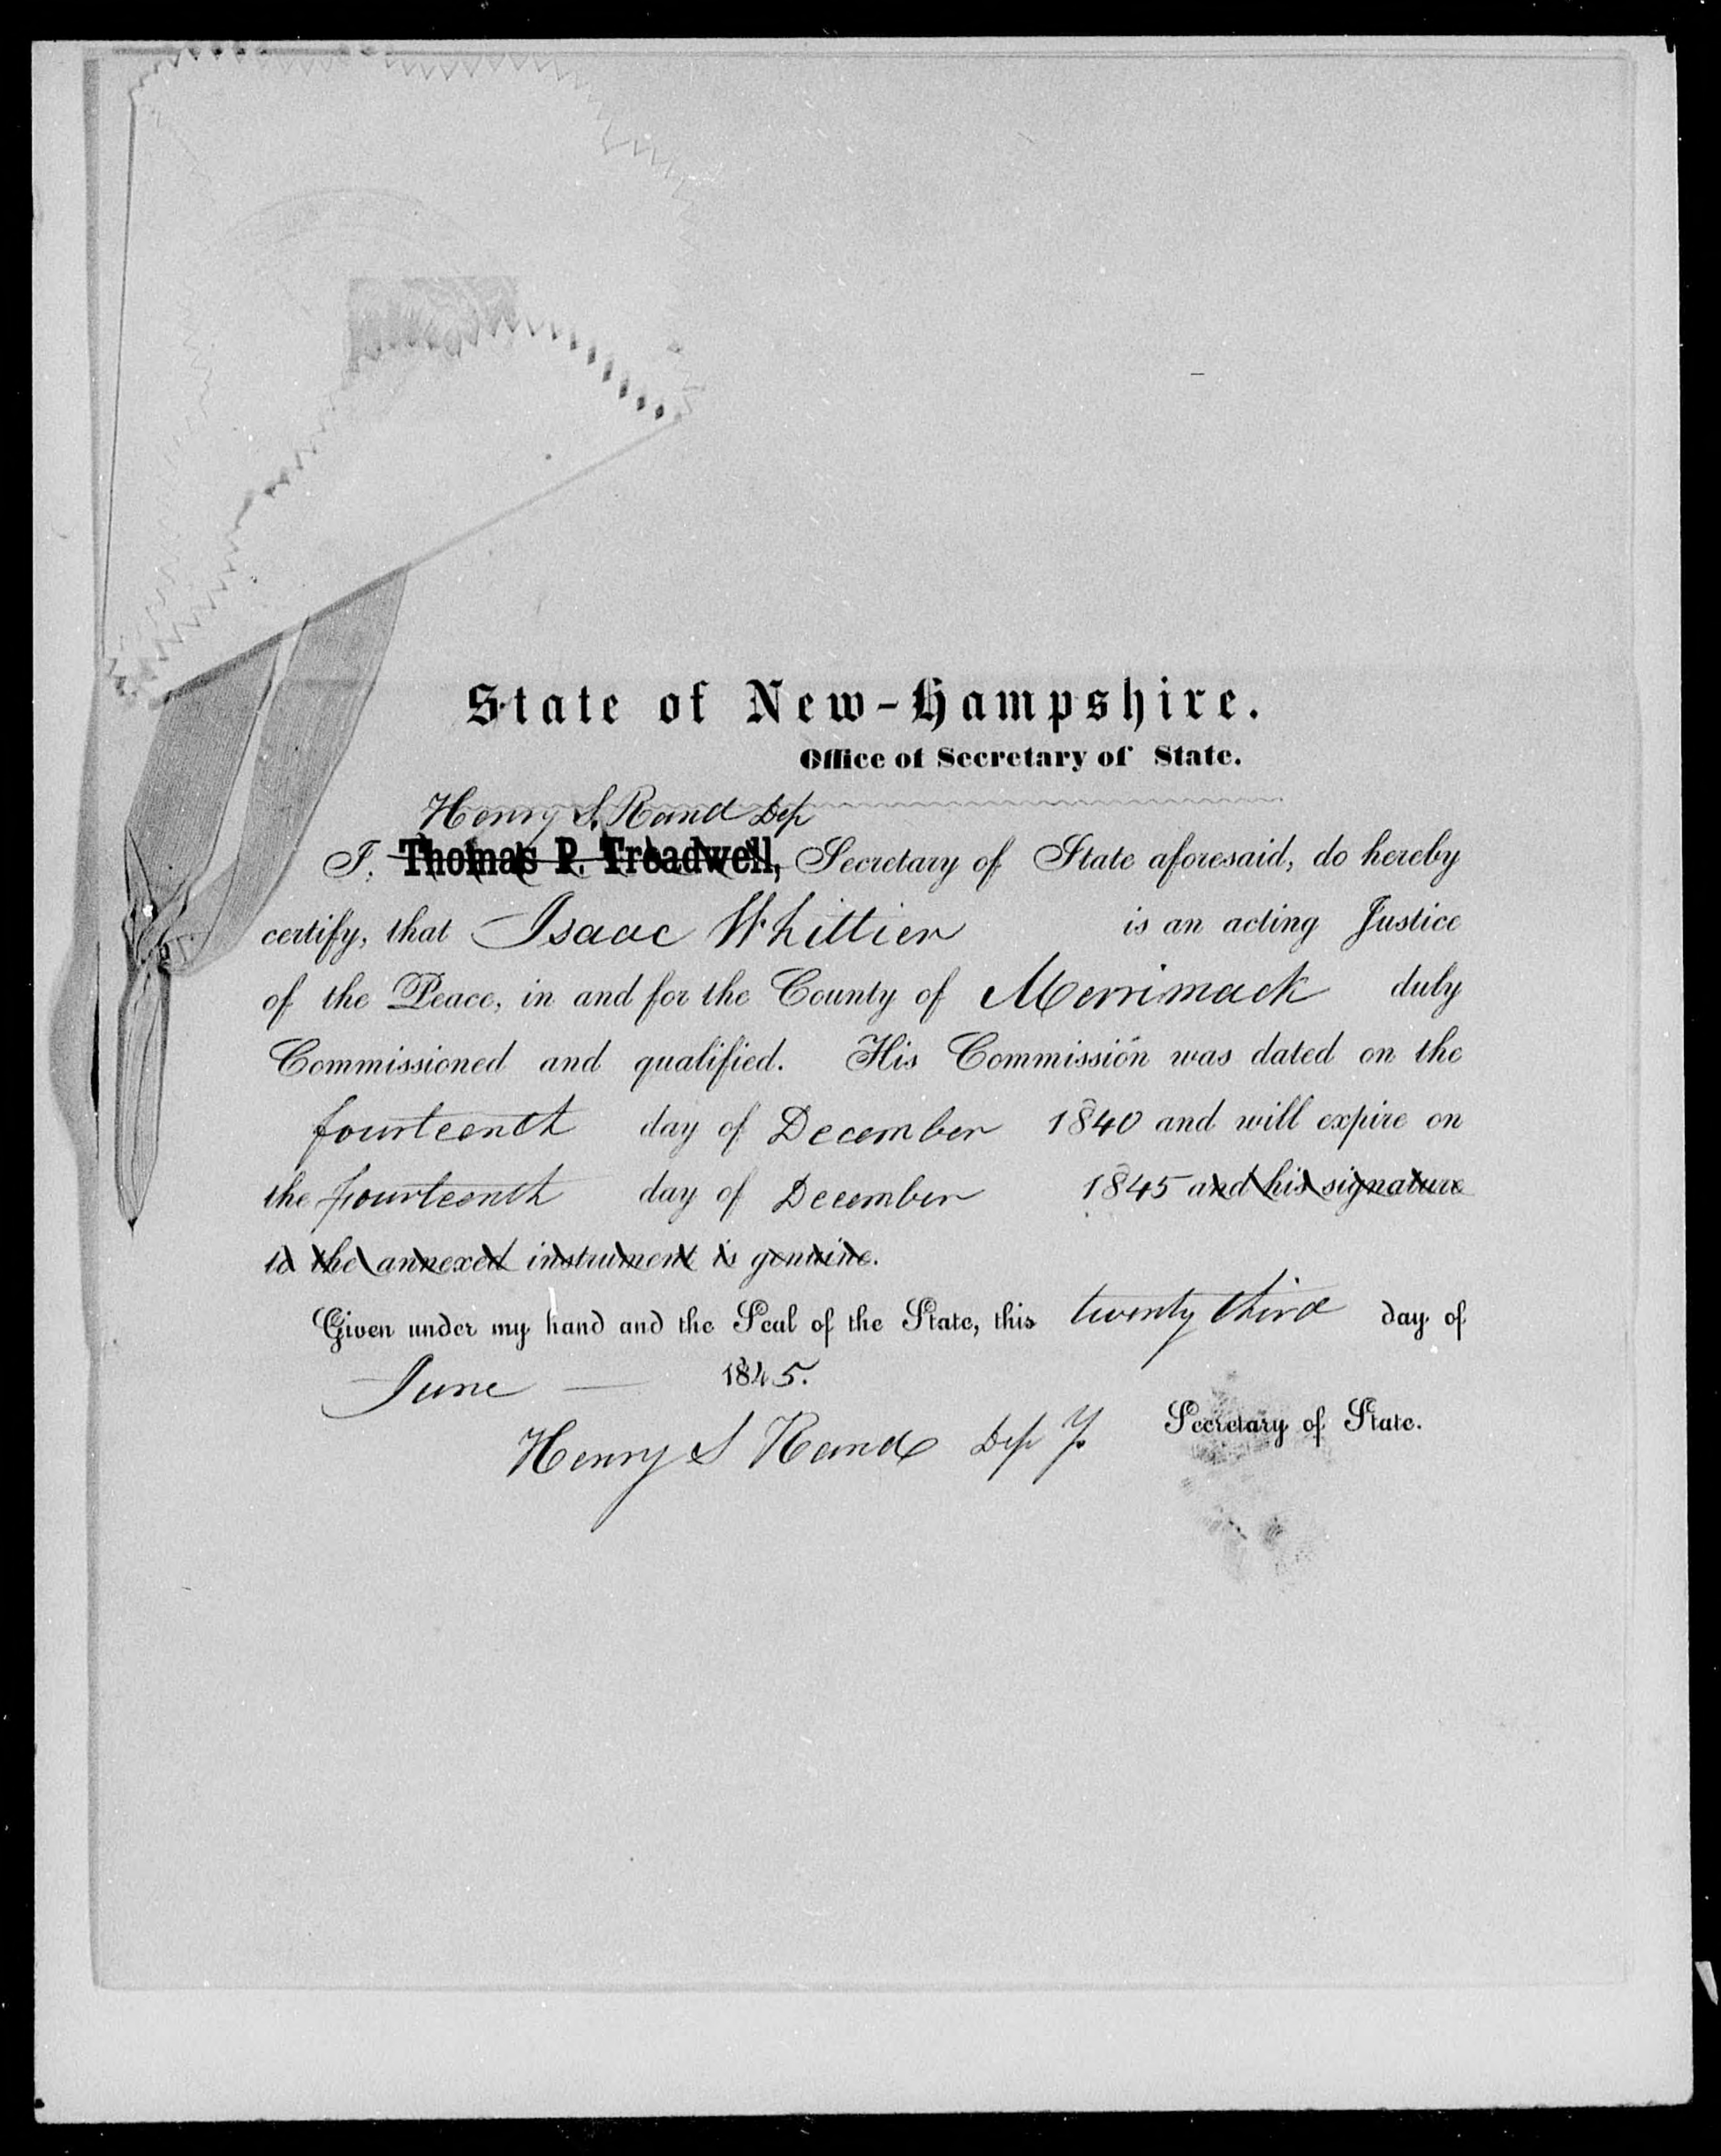State of New - [Hampshire].
Office of Secretary of State.
-----
I, Henry S. Rand Dep Secretary of State aforesaid, do hereby certify, that Isaac Whittier is an acting Justice of the Peace, in and for the County of Merrimack duly Commissioned and qualified. His Commission was dated on the fourteenth day of December 1840 and will expire on the fourteenth day of December 1845.

Given under my hand and the Seal of the State, this twenty third day of June 1845.

Henry S. Rand Dep Secretary of State.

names: Isaac Whittier, Henry S Rand, Henry S Rand, Thomas P Treadwell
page: 39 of 61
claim: widow's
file: W. 19500, Samuel Thing Gilman, Continental N.H.